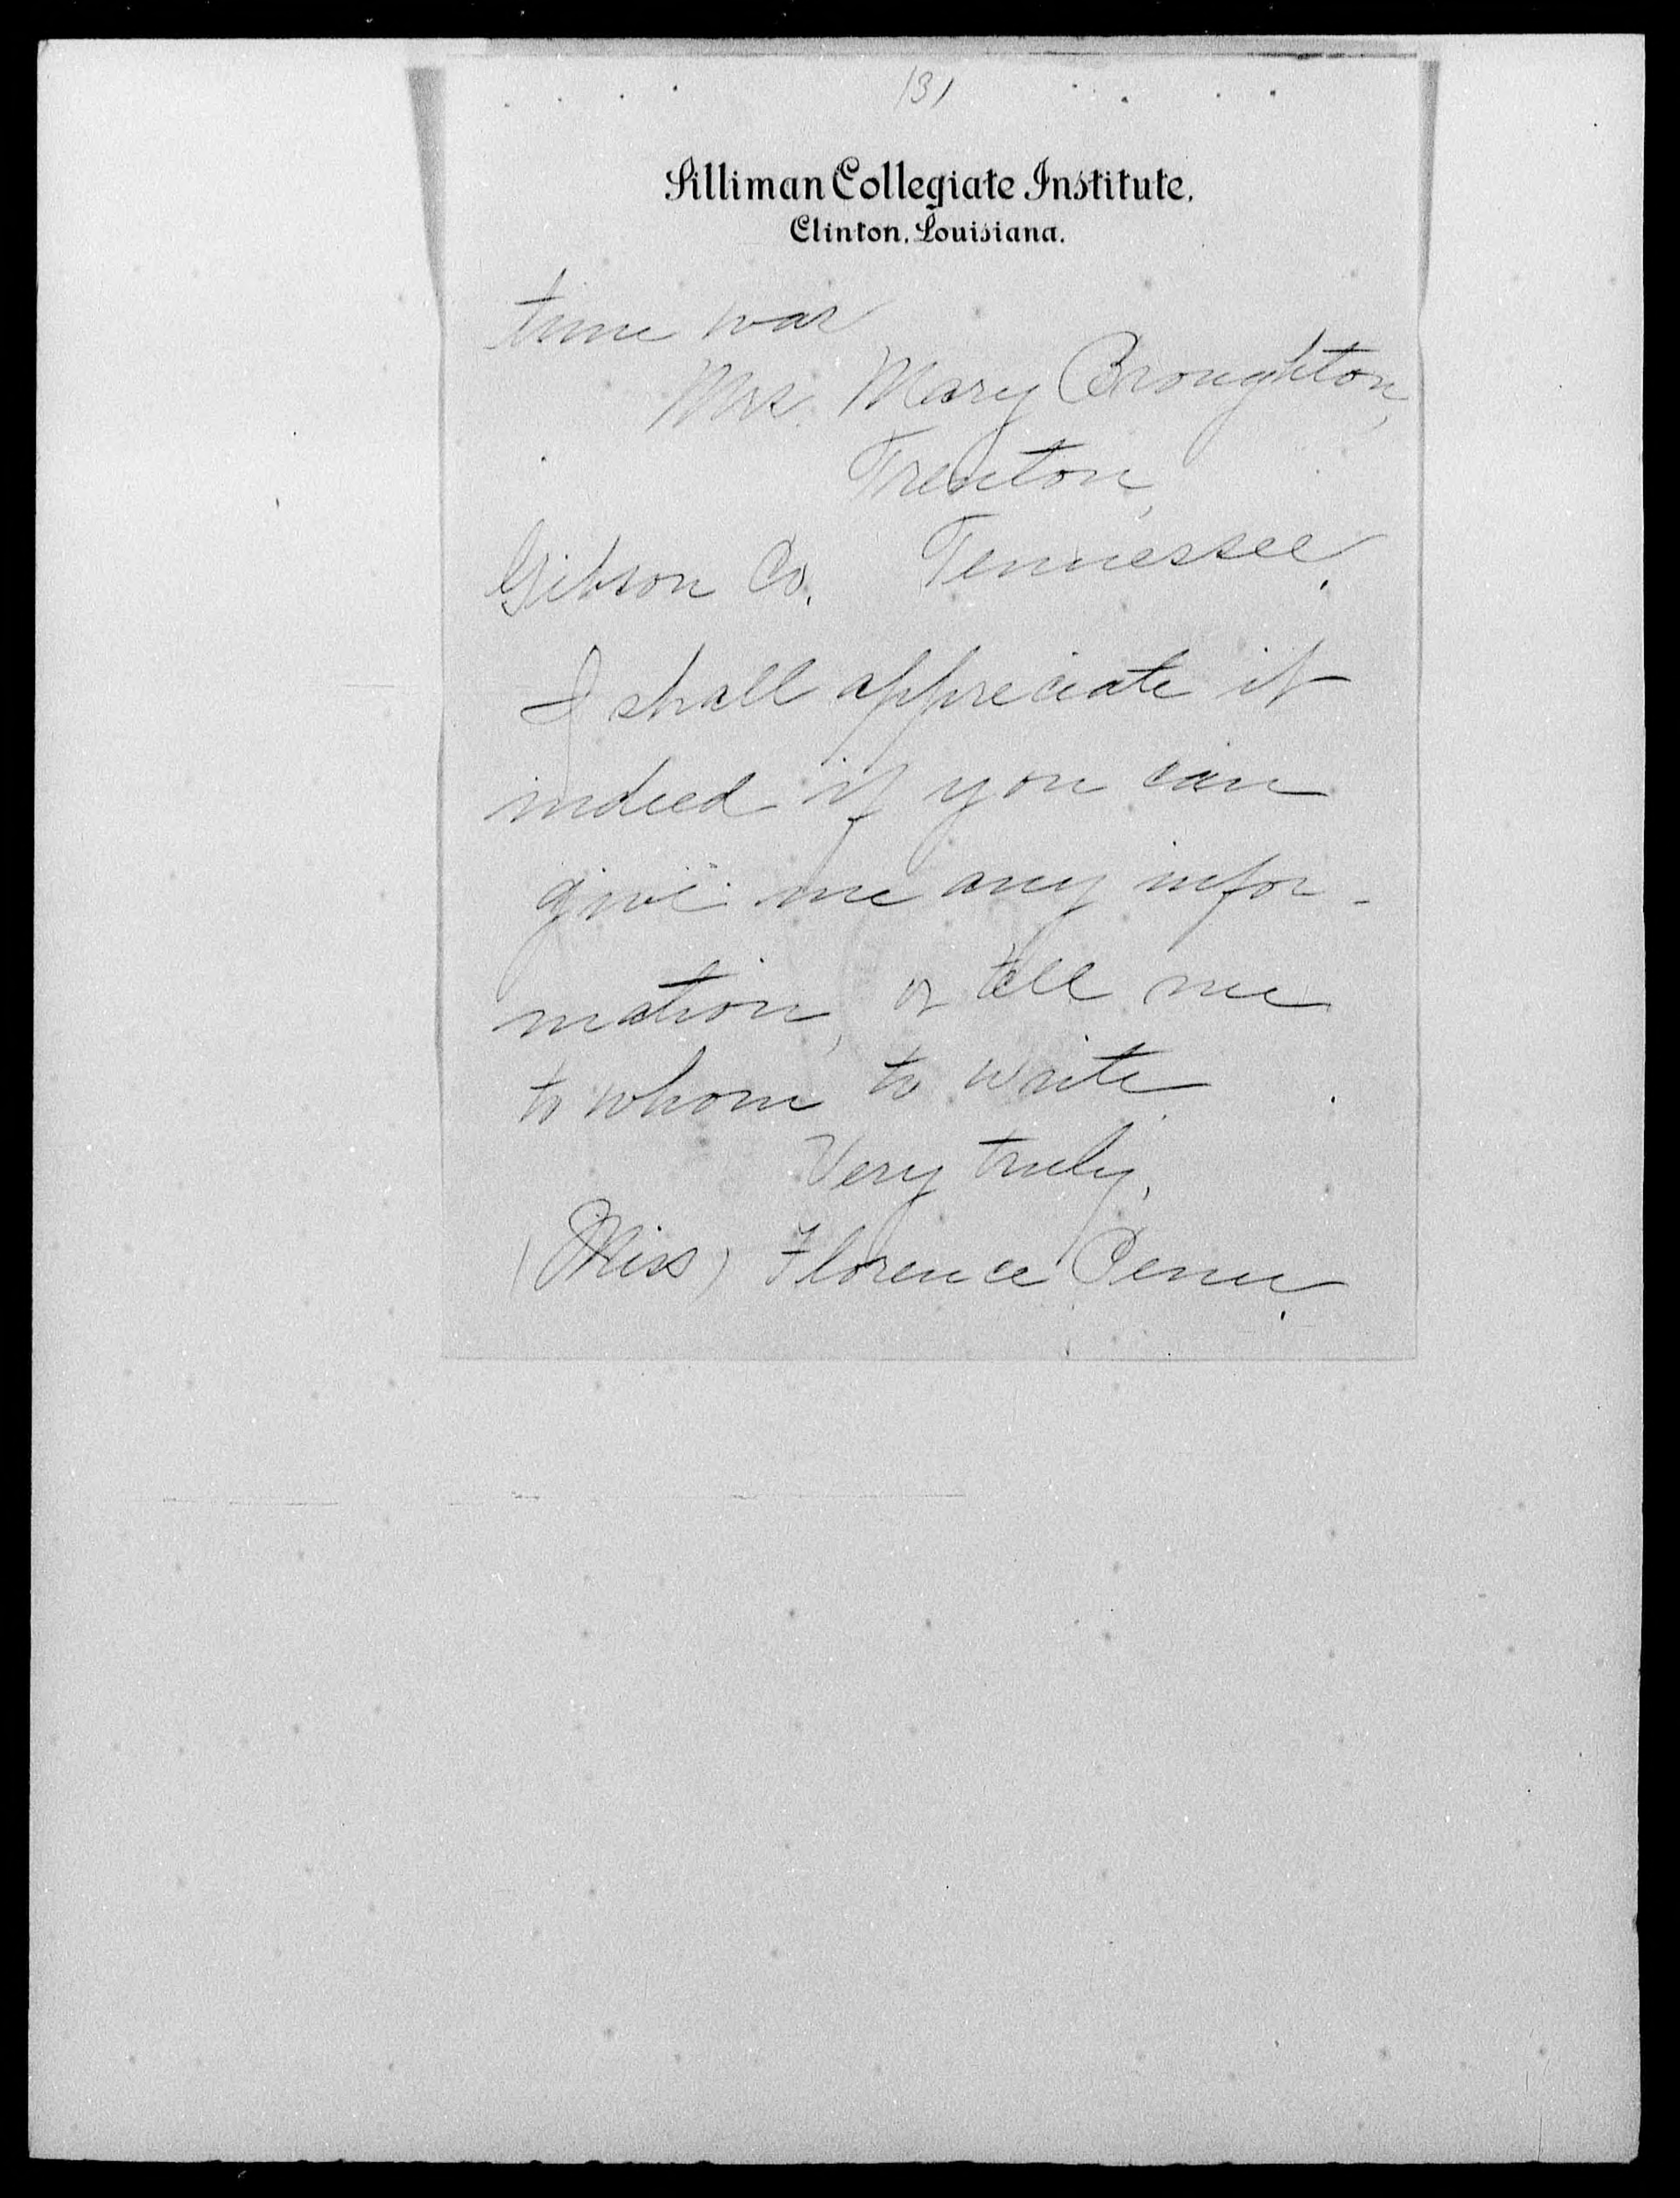(3)
Silliman-Collegiate Institute,
Clinton, Louisiana.

time was 
Mrs Mary Broughton
Gibson Co. Tennessee 

I shall appreciate it
indeed of you can
give me any infor
mation or tell me
to whom to write

Very truly,
(Miss) Florence Penn
-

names: Florence Penn, Mary Broughton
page: 71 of 72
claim: widow's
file: W. 897, Thomas Broughton, S.C.